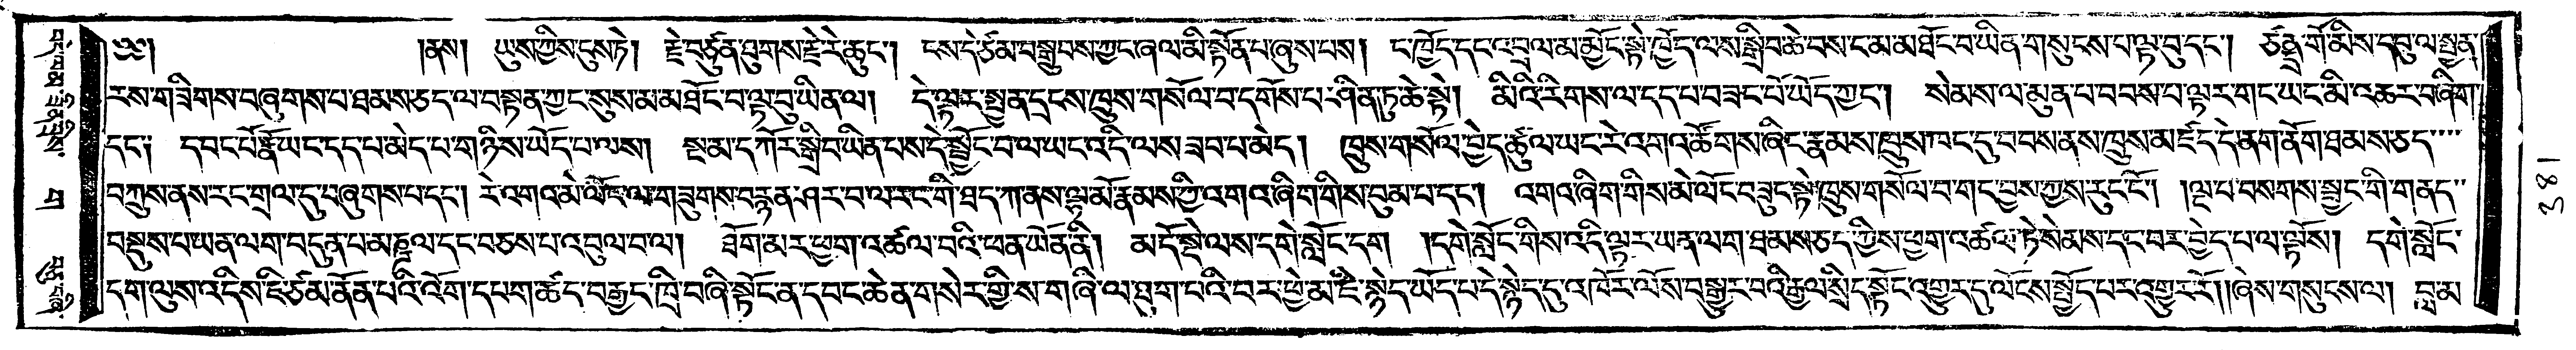༄༅། །ནས། ཡུས་ཀྱིས་དུས་ཏེ། རྗེ་བཙུན་ཐུགས་རྗེ་རེ་ཆུང་། ངས་དེ་ཙམ་བསྒྲུབས་ཀྱང་ཞལ་མ་སྟོན་པ་ཞུས་པས། ང་ཁྱོད་དང་འབྲལ་མ་མྱོང་སྟེ་ཁྱོད་ལས་སྒྲིབ་ཆེ་བས་ང་མ་མཐོང་བ་ཡིན་གསུངས་པ་ལྟ་བུ་དང་། ཙནྡྲ་གོ་མིས་དབུ་ལ་སྤྱན་
རས་གཟིགས་བཞུགས་པ་ཐམས་ཅད་ལ་བསྟན་ཀྱང་སུས་མ་མཐོང་བ་ལྟ་བུ་ཡིན་ལ། དེ་ལྟར་སྤྱན་དྲངས་ཁྲུས་གསོལ་བ་དགོས་པ་ཤིན་ཏུ་ཆེ་སྟེ། མིའི་རིགས་ལ་དད་པ་བཟང་པོ་ཡོད་ཀྱང་། སེམས་ལ་མུན་པ་བབས་པ་ལྟར་གང་ཡང་མི་འཆར་བཞིག་
དང༑ དབང་པོ་རྣོ་ཡང་དད་པ་མེད་པ་གཉིས་ཡོད་པ་ལས། སྔ་མ་དཀོར་སྒྲིབ་ཡིན་པས་དེ་སྦྱོང་བ་ལ་ཡང་འདི་ལས་ཟབ་པ་མེད། ཁྲུས་གསོལ་བྱེད་ཚུལ་ཡང་རེ་འགའ་ཚོགས་ཞིང་རྣམས་ཁྲུས་ཁང་དུ་བབས་ནས་ཁྲུས་མཛད་དེ་ནག་ནོག་ཐམས་ཅད་
བཀྲུས་ནས་ངང་གྲལ་དུ་བཞུགས་པ་དང་། རེ་འགའ་མེ་ལོང་ལ་གཟུགས་བརྙན་ཤར་བ་ལ་རང་གི་ཐད་ཀ་ནས་ལྷ་མོ་རྣམས་ཀྱི་འགའ་ཞིག་གིས་བུམ་པ་དང་། འགའ་ཞིག་གིས་མེ་ལོང་བཟུང་སྟེ་ཁྲུས་གསོལ་བ་གང་བྱས་ཀྱས་རུང་ངོ། །ལྔ་པ་བསགས་སྦྱང་གི་གནད་
བསྡུས་པ་ཡན་ལག་བདུན་པ་མཎྜལ་དང་བཅས་པ་འབུལ་བ་ལ། ཐོག་མར་ཕྱག་འཚལ་བའི་ཕན་ཡོན་ནི། མདོ་སྡེ་ལས་དགེ་སློང་དག །དགེ་སློང་གིས་འདི་ལྟར་ཡན་ལག་ཐམས་ཅད་ཀྱིས་ཕྱག་འཚལ་ཏེ་སེམས་དང་བར་བྱེད་པ་ལ་ལྟོས། དགེ་སློང་
དག་ལུས་འདིས་ཇི་ཙམ་ནོན་པའི་འོག་དཔག་ཚང་བརྒྱད་ཁྲི་བཞི་སྟོང་ན་དབང་ཆེན་གསེར་གྱི་ས་གཞི་ལ་ཐུག་པའི་བར་ཕྱེ་མ་ཇི་སྙེད་ཡོད་པ་དེ་སྙེད་དུ་འཁོར་ལོས་བསྒྱུད་བའི་རྒྱལ་སྲིད་སྟོང?་འགྱུར་དུ་ལོངས་སྤྱོད་པར་འགྱུར་རོ། །ཞེས་གསུངས་ལ། བླ་མ་